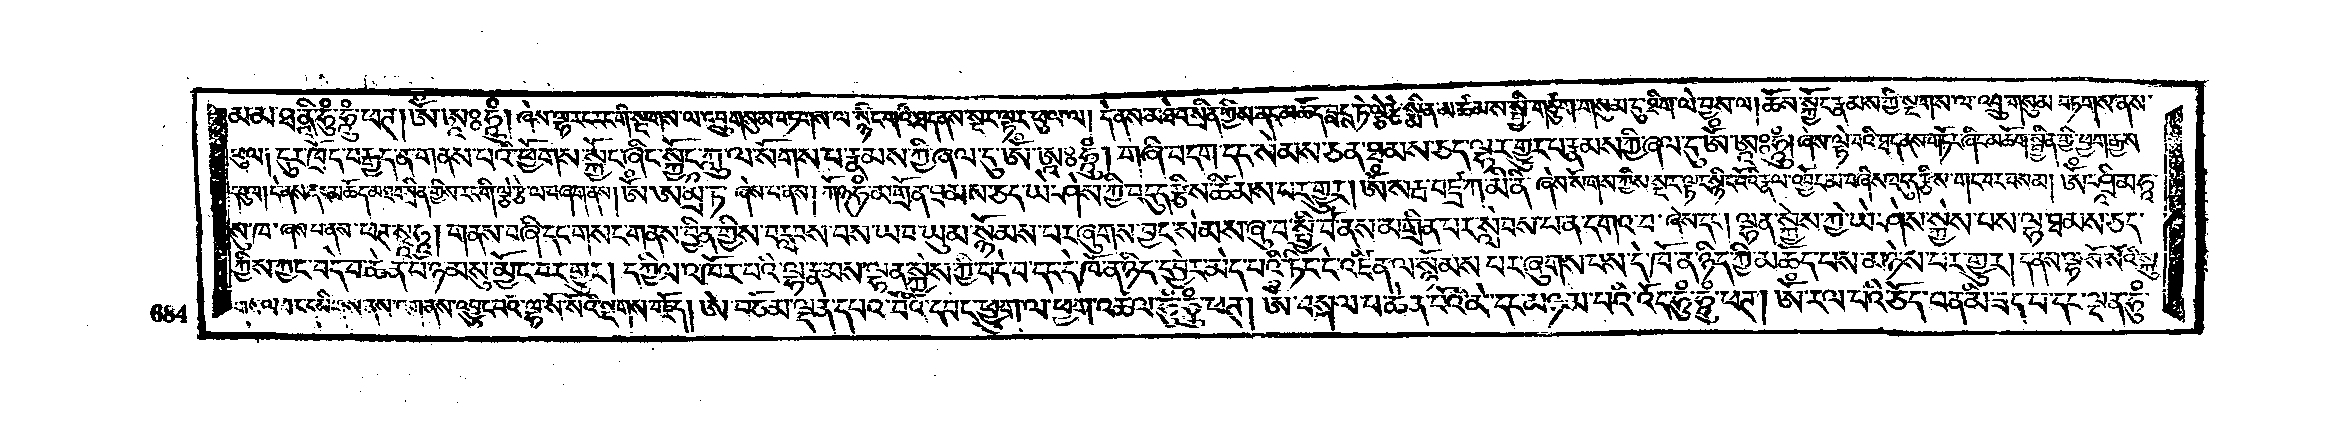མ་མ་ཐ་ནཱི་ཧུཾ་ཧཱུཾ་ཕཊ། ཨོཾ་ཨཱཿ ཧཱུཾ། ཞེས་ལྷ་རང་རང་གི་སྔགས་ལ་འབྲུ་གསུམ་བཏགས་ལ་སྙིང་གའི་ཐད་ནས་སྔར་ལྟར་ཕུལ་ལ། དེ་ནས་མཐེབ་སྲིན་གྱིས་ནང་མཆོད་བླངས་ཏེ་ལྕེ་རྩེ་སྨིན་མཚམས་སྤྱི་གཙུག་གསུམ་དུ་ཐིག་ལེ་བྱས་ལ། ཆོས་སྐྱོང་རྣམས་ཀྱི་སྔགས་ལ་འབྲུ་གསུམ་བཏགས་ནས་
ཕུལ། དུར་ཁྲོད་བརྒྱད་ན་གནས་པའི་ཕྱོགས་སྐྱོང་ཞིང་སྐྱོང་ཀླུ་ལ་སོགས་པ་རྣམས་ཀྱི་ཞལ་དུ་ཨོཾ་ཨཱཿ ཧཱུཾ། གཞི་བདག་དང་སེམས་ཅན་ཐམས་ཅད་ལྷར་གྱུར་པ་རྣམས་ཀྱི་ཞལ་དུ་ཨོཾ་ཨཱཿ ཧཱུཾ། ཞེས་ལྟེ་བའི་ཐད་ནས་གཏོར་ཞིང་མཆོག་སྦྱིན་གྱི་ཕྱག་རྒྱས་
དབུལ། དེ་ནས་ནང་མཆོད་མཐབ་སྲིན་གྱིས་རང་གི་ལྕེ་རྩེ་ལ་བཞག་ནས། ཨོཾ་ཨ་མྲྀ་ཏ་ཞེས་པ་ནས།  ཀོཉཧཾ་མགྲོན་ཐམས་ཅད་ཡེ་ཤེས་ཀྱི་བདུད་རྩིས་ཚིམས་པར་གྱུར། ཨོཾ་སརྦ་བཛྲ་ཀ་མི་ནི་ཞེས་སོགས་ཀྱིས་སྔར་ལྟར་སྙིང་པོའི་རྣལ་འབྱོར་མ་བཞིས་བདུད་རྩིས་གང་བར་བསམ།  ཨོཾ་ཤྲཱི་མཧཱ་
སུ་ཁ་ཞེས་པ་ནས་ཕཊ་སྭཱཧཱ། གནས་བཞི་དང་གསང་གནས་བྱིན་གྱིས་བརླབས་པས་ཡབ་ཡུམ་སྙོམས་པར་ཞུགས་བྱང་སེམས་ཞུ་བ་སྤྱི་བོ་ནས་མགྲིན་པར་སླེབས་པ་ན་དགའ་བ་ཞེས་དང་།  ལྷན་སྐྱེས་ཀྱི་ཡེ་ཤེས་སྐྱེས་པས་ལྷ་ཐམས་ཅད་
ཀྱིས་ཀྱང་བདེ་བ་ཆེན་པོ་ཉམས་སུ་མྱོང་བར་གྱུར། དཀྱིལ་འཁོར་པའི་ལྷ་རྣམས་ལྷན་སྐྱེས་ཀྱི་བདེ་བ་དང་དེ་ཁོ་ན་ཉིད་དབྱེར་མེད་པའི་ཏིང་ངེ་འཛིན་ལ་སྙོམས་པར་ཞུགས་པས་དེ་ཁོ་ན་ཉིད་ཀྱི་མཆོད་པས་མཉེས་པར་གྱུར། ད་ནས་ལྷ་སོ་སོའི་སྐུ་
གསལ་བར་དམིགས་ནས་འགྲོ་ནས་འབྱུང་བའི་ལྷ་སོ་སོའི་སྔགས་བརྗོད། ཨོཾ་བཅོམ་ལྡན་དཔའ་བོའི་དབང་ཕྱུག་ལ་ཕྱག་འཚལ་ཧུཾ་ཧཱུཾ་ཕཊ། ཨོཾ་བསྐལ་པ་ཆེན་པོའི་མེ་དང་མཉམ་པའི་འོད་ཧུཾ་ཧཱུཾ་ཕཊ། ཨོཾ་རལ་པའི་ཅོད་པན་མི་ཟད་པ་དང་ལྡན་ཧུཾ་